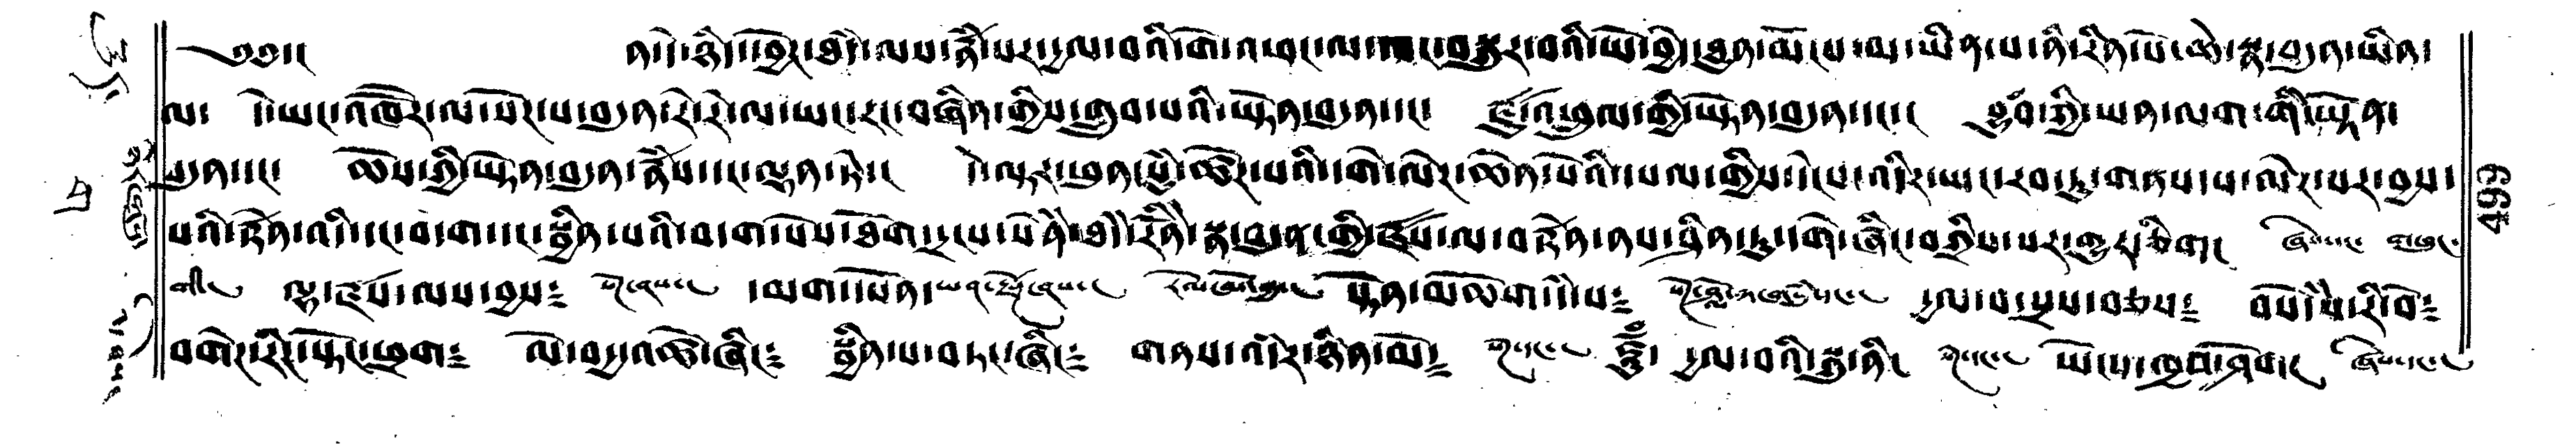ན་དེ་ཉིད་ཕྱོགས་ཐམས་ཅད་ལས་རྣམ་པར་རྒྱལ་བའི་གོ་འཕང་ལ་དབང་བསྐུར་བའི་ཡོ་བྱད་ཐུན་མོང་མ་ཡིན་པ་ནི་རིན་པོ་ཆེ་སྣ་བདུན་ཡིན་
ལ། དེ་ཡང་འཁོར་ལོ་ལ་སོགས་པ་བདུན་རེ་རེ་ལ་ཡང་རང་བཞིན་གྱིས་གྲུབ་པའི་ཡོན་ཏན་བདུན་དང་། རྫུ་འཕྲུལ་གྱི་ཡོན་ཏན་
བདུན་དང་། བྱང་ཆུབ་ཀྱི་ཡན་ལག་གི་ཡོན་ཏན་བདུན་དང་། ཆོས་ཀྱི་ཡོན་ཏན་བདུན་རྣམས་དང་ལྡན་ཏེ། དེ་ལྟར་ཕུན་སུམ་ཚོགས་པའི་དགེ་ལེགས་ཆེན་པོའི་དཔལ་གྱིས་དེང་འདིར་ཡང་རབ་ཏུ་གནས་པ་ལེགས་པར་བྱས་
པའི་རྟེན་འདི་དང་བདག་དང་སྦྱིན་པའི་བདག་པོས་ཐོག་དྲངས་སེམས་ཅན་ཐམས་ཅད་རིན་པོ་ཆེ་སྣ་བདུན་གྱི་རྫས་ལ་བརྟེན་ནས་ཤིན་ཏུ་དགེ་ཞིང་བཀྲ་ཤིས་པར་གྱུར་ཅིག། ཞེས་དང་། གཞུང་
གི ལྷ་རྫས་ལས་བྱས༴ སོགས་ནས་དམག་དཔོན་ཡན་རྫོགས་ནས། རོལ་མོ་བྱ། སྟོན་མཆོག་དམ་པ༴ སོགས་ཤླཽ་ཀ་གསུམ་དང་། རྒྱལ་བ་སྲས་བཅས༴ བསོད་ནམས་རི་བོ༴ 
བགེགས་རིགས་སྟོང་ཕྲག༴ ལོ་བརྒྱ་འཚོ་ཞིང༴ སྦྱིན་པ་གཏོང་ཞིང༴ གནས་འདིར་ཉིན་མོ༴ སོགས་དང་། ཧཱུྃ། རྒྱལ་བའི་སྐུ་ནི༴ སོགས་དང་། ཡོངས་ཁྱབ་ཤོག ཞེས་དང་།